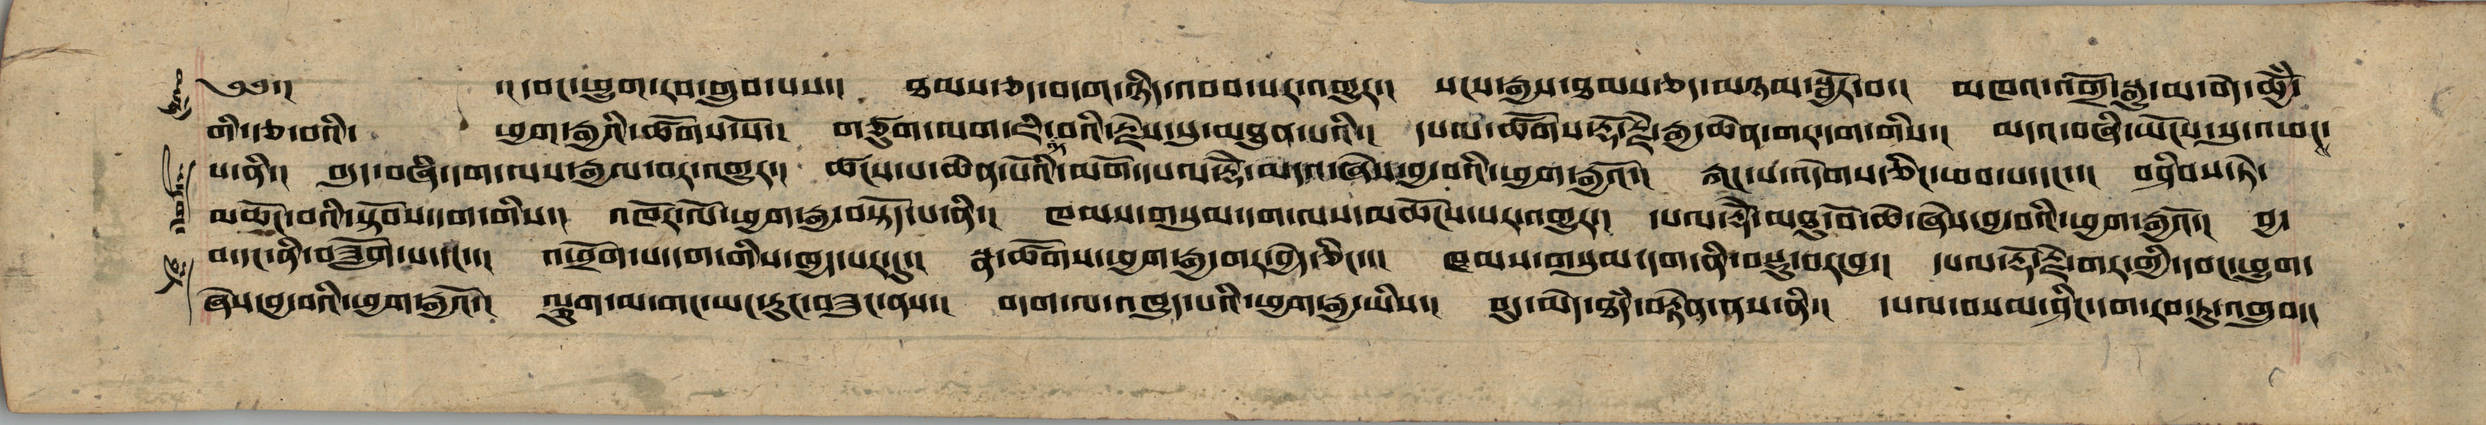༄༅་། ་།དབང་ཕྱུག་རབ་གྲུབ་པས་། ཐམས་ཅད་བདག་ཉིད་འབབ་པར་འགྱུར་། སངས་རྒྱས་ཐམས་ཅད་མཉམ་སྦྱོར་བ་། མཁའ་འགྲོ་སྒྱུ་མ་བདེ་ཆྱོི་
གི་རྩ་བའི་ ཕྱག་རྒྱའི་ཚོགས་སོ་། གཙུག་ལག་ཇི་ལྟ་བའི་རྗེས་སུ་མཐུན་པའི་། དཔལ་ཚོགས་རྡོ་རྗེ་རྒྱ་ཆེན་གར་དག་གིས་། མདའ་བཞི་ཡོངས་སུ་འཕངས་
པ་ནི་། བདུད་བཞི་དག་ལས་རྒྱལ་བར་འགྱུར་། ཚངས་པ་ཆེན་པོའི་མགོ་དཔལ་རྡོེ་མདའ་ཞེས་བྱ་བའི་ཕྱག་རྒྱའོ་། རྐང་པ་འདེགས་ཅིང་ཕབ་པ་དང་་། བཤིབས་ཏེ་
མཆོང་བའི་སྟོབས་དག་གིས་། འཁོར་ལོ་ཕྱག་རྒྱ་བསྟོད་པ་ནི་། ཁམས་གསུམ་དག་ལས་མཆོངས་པར་འགྱུར་། དཔལ་རྡོེ་མཐུ་བོ་ཆེ་ཞེས་བྱ་བའི་ཕྱག་རྒྱའོ་། བྱ་
བ་དང་ནི་བཟློག་པ་དང་་། འཕྲོག་པ་དག་གིས་ཁྱད་པར་དུ་། སྣ་ཚོགས་ཕྱག་རྒྱ་གར་བྱེད་ཅིང་་། ཁམས་གསུམ་དག་ནི་བསྡུ་བར་བྱ་། དཔལ་རྡོ་རྗེ་གར་གྱི་དབང་ཕྱུག་
ཞེས་བྱ་བའི་ཕྱག་རྒྱའོ་། ལྕུག་མ་གང་ཡང་རུང་བཟུང་ནས་། བདག་ལ་འཁྱུད་པའི་ཕྱག་རྒྱ་ཡིས་། བུད་མེད་ཐཾད་བརྟེན་ནས་ནི་། དཔལ་བསམ་ཤིང་དག་རབ་ཏུ་འགྲུབ་།